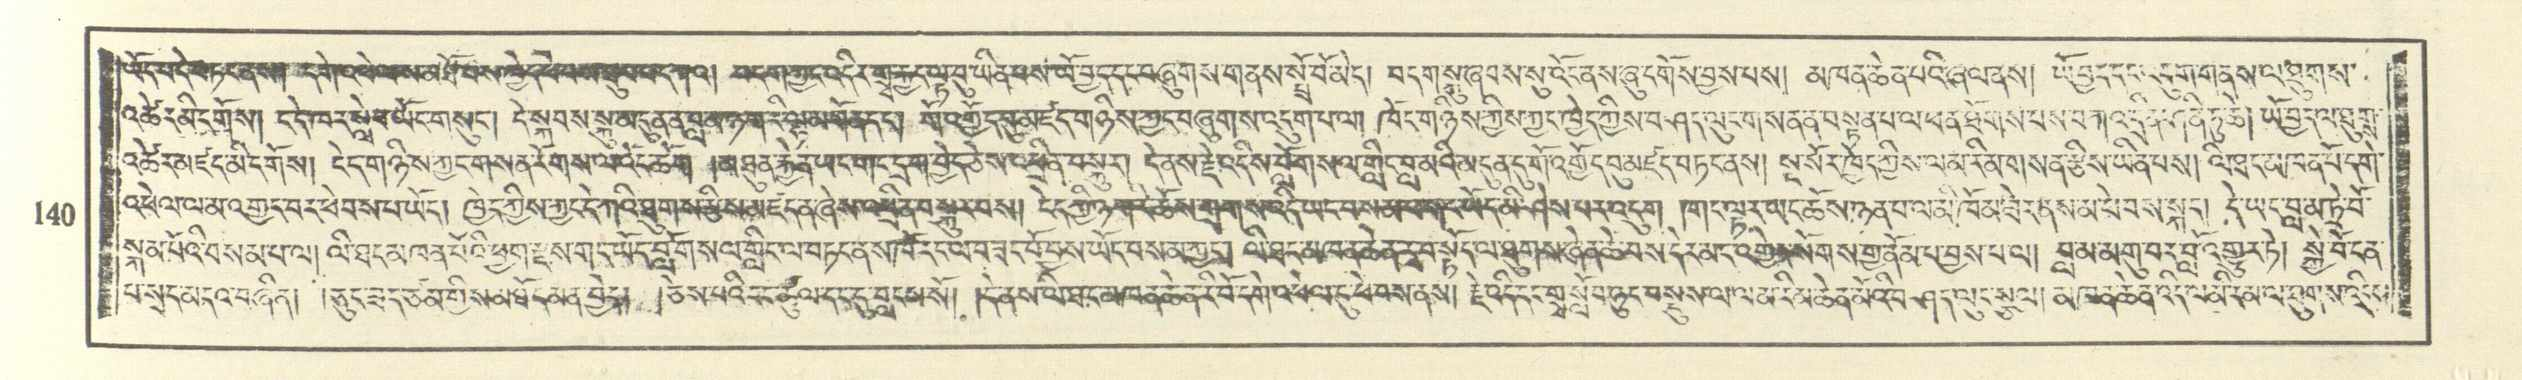ཡོད་པ་དེ་བཏང་ནས། དགེ་འཕེལ་ས་མཐོ་བས་ཁྱེད་ཕེབས་ཐུབ་པ་དཀའ། བདག་ཀྱང་འདིར་གྲྭ་རྐྱང་ལྟ་བུ་ཡིན་པས་ཡོ་བྱད་དང་བཞུགས་གནས་སྤོ་བོ་མེད། བདག་སྐུ་ཞབས་སུ་འོང་ནས་ཞུ་དགོས་བྱས་པས། མཁན་ཆེན་པའི་ཞལ་ནས། ཡོ་བྱད་དང་འདུག་གནས་ལ་ཐུགས་
འཚེར་མི་དགོས། ངེད་ཁར་སླེབ་ཡོང་གསུང་། དེ་སྐབས་སྐུ་མདུན་ན་བླ་མ་ཉག་རི་ལྷ་མགོན་དང་། གོ་འགྱོ་དབུ་མཛད་གཉིས་ཀྱང་བཞུགས་འདྲུག་པ་ལ། ཁོང་གཉིས་ཀྱིས་ཀྱང་ཁྱེད་ཀྱིས་བཤད་ལུང་གསན་ན་བསྟན་པ་ལ་ཕན་ཐོགས་པས་བཀའ་དྲིན་ཤིན་ཏུ་ཆེམ། ཡོ་བྱད་ལ་ཐུགས་
འཚེར་མཛད་མི་དགོས། ངེད་གཉིས་ཀྱང་གསན་རོགས་ལ་འོང་ཆོག །མཐུན་རྐྱེན་ཡང་གང་དྲག་བྱེད་ཅེས་འཕྲིན་བསྐུར། དེ་ནས་རྗེ་འདིས་བློག་སལ་གླིང་བླ་མའི་མདུན་དུ་གོ་འགྱོ་དབུ་མཛད་བཏང་ནས། སྔ་སོར་ཁྱེད་ཀྱིས་ལམ་རིམ་གསན་རྩིས་ཡིན་པས། ལི་ཐང་མཁན་པོ་དགེ་
འཕེལ་ལམ་འགྱང་བར་ཕེབས་པ་ཡོད། ཁྱེད་ཀྱིས་ཀྱང་དེ་ཀའི་ཐུགས་རྩིས་མཛད་ན་ཞེས་འཕྲིན་བསྐུར་བས། ངེད་ཀྱི་ཉག་རི་ཆོས་གྲགས་འདི་ཡང་བསམ་པ་གང་ཡོད་མི་ཤེས་པར་འདུག །གང་ལྟར་ཡང་ཆོས་ཉན་པ་ལ་མི་ཁོམ་ཟེར་ནས་མ་ཕེབས་སྐད། དེ་ཡང་བླ་མ་ཏྲེ་བོ་
སྐམ་པོའི་བསམ་པ་ལ། ལི་ཐང་མཁན་པོའི་ཕྱག་རྫས་གང་ཡོད་བློ་གསལ་གླིང་ལ་བཏང་ནས་ཁོ་རང་ལ་བཟང་པོ་བྱས་ཡོང་བསམ་ཀྱང་། ལི་ཐང་མཁན་ཆེན་རྭ་བ་སྟོད་ལ་ཐུགས་ཞེན་ཆེ་བས་དེར་མང་འགྱེད་སོགས་གྱ་ནོམ་པ་བྱས་པ་ལ། བླ་མ་མགུ་བར་བློ་འགྱུར་ཏེ། སྐྱེ་བོ་ངན་
པ་སྲད་མདའ་བཞིན། །ཅུང་ཟད་ཙམ་གྱིས་མཐོ་དམན་གྱེད། །ཅེས་པའི་ངང་ཚུལ་དང་དུ་བླངས་སོ། །དེ་ནས་ལི་ཐང་མཁན་ཆེན་རི་བོ་དགེ་འཕེལ་དུ་ཕེབས་ནས། རྗེ་འདི་དང་གྲྭ་སློབ་ཉུང་བསྡུས་ལ་ལམ་རིམ་ཆེན་མོའི་བཤད་ལུང་སྩལ། མཁན་ཆེན་འདི་ལམ་རིམ་ལ་ཐུགས་འདྲིས་